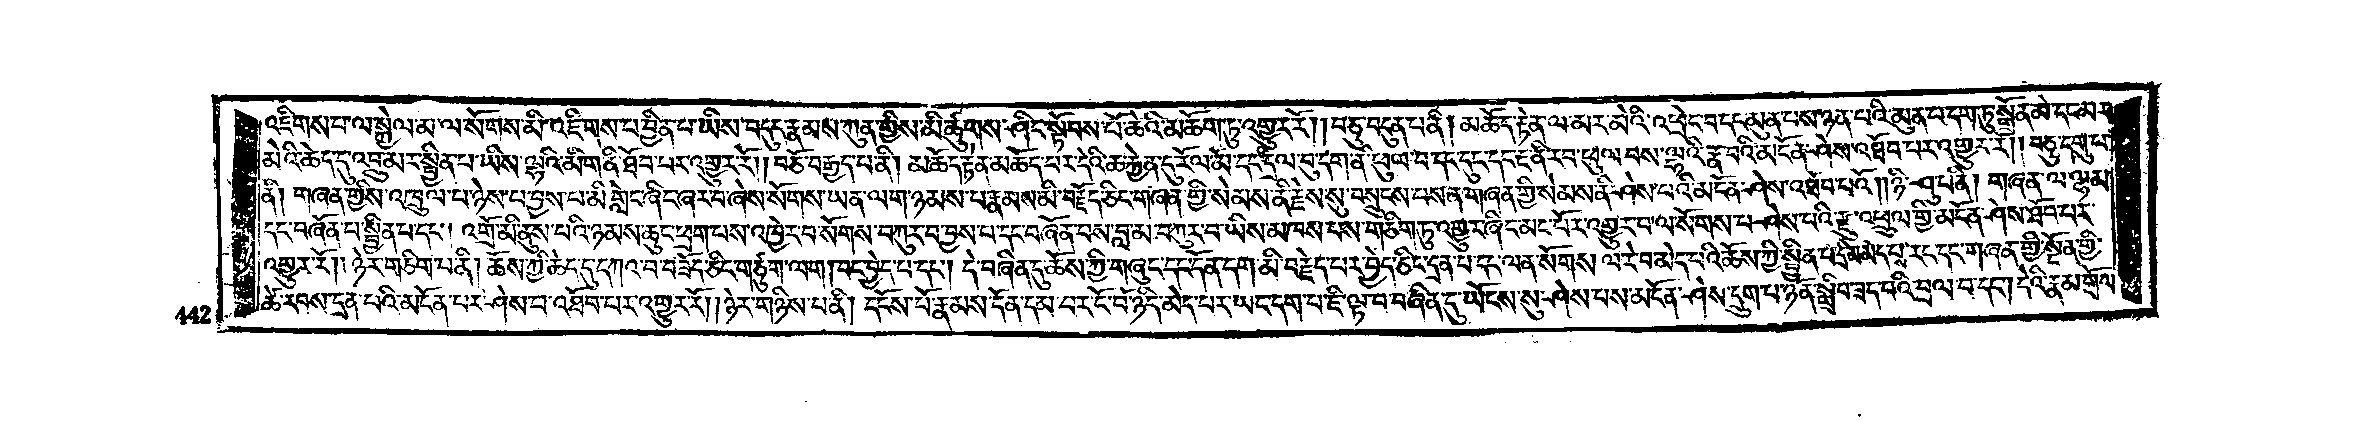འཇིགས་པ་ལ་སྐྱེལ་མ་ལ་སོགས་མི་འཇིགས་པ་བྱིན་པ་ཡིས་བདུད་རྣམས་ཀུན་གྱིས་མི་ཚུགས་ཤིང་སྟོབས་པོ་ཆེའི་མཆོག་ཏུ་འགྱུར་རོ། །བཅུ་བདུན་པ་ནི། མཆོད་རྟེན་ལ་མར་མེའི་འཕྲེང་བ་དང་མུན་པས་ཉན་པའི་མུན་པ་དག་ཏུ་སྒྲོན་མེ་དང་མར་
མེའི་ཆེད་དུ་འབྲུ་མར་སྦྱིན་པ་ཡིས་ལྷའི་མིག་ནི་ཐོབ་པར་འགྱུར་རོ། །བཅོ་བརྒྱད་པ་ནི། མཆོད་རྟེན་མཆོད་པར་དེའི་ཆ་རྐྱེན་དུ་རོལ་མོ་དང་དྲིལ་བུ་དག་ནི་ཕུལ་བ་དང་དུང་དང་རྔ་ནི་རབ་ཕུལ་བས་ལྷའི་རྣ་བའི་མངོན་ཤེས་འཐོབ་པར་འགྱུར་རོ། །བཅུ་དགུ་པ་
ནི། གཞན་གྱིས་འཁྲུལ་པ་ཉེས་པ་བྱས་པ་མི་གླེང་ཞིང་ཞར་བ་ཞེས་སོགས་ཡན་ལག་ཉམས་པ་རྣམས་མི་བརྗོད་ཅིང་གཞན་གྱི་སེམས་ནི་རྗེས་སུ་བསྲུངས་པས་ན་གཞན་གྱི་སེམས་ནི་ཤེས་པའི་མངོན་ཤེས་འཐོབ་པའོ། །ཉི་ཤུ་པ་ནི། གཞན་ལ་ལྷམ་
དང་བཞོན་པ་སྦྱིན་པ་དང་། འགྲོ་མི་ནུས་པའི་ཉམས་ཆུང་ཕྲག་པས་འཁྱེར་བ་སོགས་བཀུར་བ་བྱས་པ་དང་བཞོན་པས་བླ་མ་བཀུར་བ་ཡིས་མཁས་པས་གཅིག་ཏུ་འགྱུར་ཞིང་མང་པོར་འགྱུར་བ་ལ་སོགས་པ་ཤེས་པའི་རྫུ་འཕྲུལ་གྱི་མངོན་ཤེས་ཐོབ་པར་
འགྱུར་རོ། །ཉེར་གཅིག་པ་ནི། ཆོས་ཀྱི་ཆེད་དུ་དཀའ་བ་བཟོད་ཅིང་གཙུག་ལག་ཁང་བྱེད་པ་དང་། དེ་བཞིན་དུ་ཆོས་ཀྱི་གཞུང་དང་དོན་དག་མི་བརྗེད་པར་བྱེད་ཅིང་དྲན་པ་དང་ལན་སོགས་ལ་རེ་བ་མེད་པའི་ཆོས་ཀྱི་སྦྱིན་པ་དྲི་མ་མེད་པས་རང་དང་གཞན་གྱི་སྔོན་གྱི་
ཚེ་རབས་དྲན་པའི་མངོན་པར་ཤེས་པ་འཐོབ་པར་འགྱུར་རོ། །ཉེར་གཉིས་པ་ནི། དངོས་པོ་རྣམས་དོན་དམ་པར་ངོ་བོ་ཉིད་མེད་པར་ཡང་དག་པ་ཇི་ལྟ་བ་བཞིན་དུ་ཡོངས་སུ་ཤེས་པས་མངོན་ཤེས་དྲུག་པ་ཉོན་སྒྲིབ་ཟད་པའི་བྲལ་བ་དང་། དེའི་རྣམ་གྲོལ་